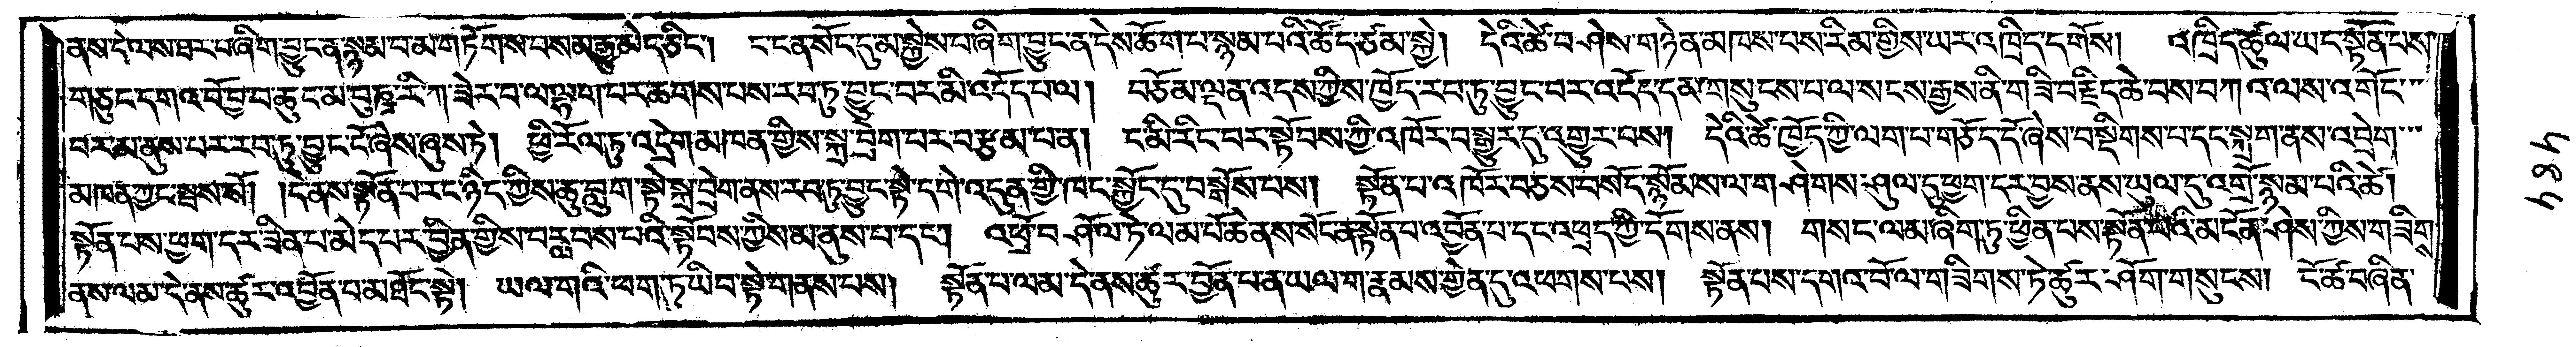ནས་དེ་ལས་ཐར་བཞིག་བྱུང་ན་སྙམ་པ་མ་གཏོགས་བསམ་རྒྱུ་མེད་ཅིང་། ང་ངན་སོང་དུ་མ་སྐྱེས་པ་ཞིག་བྱུང་ན་དེས་ཆོག་པ་སྙམ་པའི་ཚོད་ཙམ་སྐྱེ། དེའི་ཚེ་བཤེས་གཉེན་མཁས་བས་རིམ་གྱིས་ཡར་འཁྲིད་དགོས། འཁྲིད་ཚུལ་ཡང་སྟོན་པས་
གཅུང་དགའ་བོ་བྱ་བ་ཆུང་མ་བུཎྜ་རི་ཀ་ཟེར་བ་ལ་ལྷག་པར་ཆགས་པས་རབ་ཏུ་བྱུང་བར་མི་འདོད་པ་ལ། བཅོམ་ལྡན་འདས་ཀྱིས་ཁྱོད་རབ་ཏུ་བྱུང་བར་འདོད་དམ་གསུངས་པ་ལ་སངས་རྒྱས་ནི་གཟི་བརྗིད་ཆེ་བས་བཀའ་ལས་འགོང་
བར་མ་ནུས་པར་རབ་ཏུ་བྱུང་ངོ་ཞེས་ཞུས་ཏེ། ཕྱི་རོལ་ཏུ་འདྲེག་མཁན་གྱིས་སྐྲ་བྲེག་པར་བརྩམ་པ་ན། ང་མི་རིང་བར་སྟོབས་ཀྱི་འཁོར་བསྒྱུར་དུ་འགྱུར་བས། དེའི་ཚེ་ཁྱོད་ཀྱི་ལག་པ་གཅོད་དོ་ཞེས་བསྡིགས་པ་དང་སྐྲག་ནས་འབྲེག་
མཁན་ཀྱང་སྦས་སོ། །དེ་ནས་སྟོན་པ་རང་ཉིད་ཀྱིས་ཆུ་བླུག་སྟེ་སྐྲ་བྲེག་ནས་རབ་ཏུ་བྱུང་སྟེ་དགེ་འདུན་གྱི་ཁང་སྐྱོང་དུ་བསྒོས་པས། སྟོན་པ་འཁོར་བཅས་བསོད་སྙོམས་ལ་གཤེགས་ཤུལ་དུ་ཕྱག་དར་བྱས་ནས་ཡུལ་དུ་འགྲོ་སྙམ་པའི་ཚེ།
སྟོན་པས་ཕྱག་དར་ཟིན་པ་མེད་པར་བྱིན་གྱིས་བརླབས་པའི་སྟོབས་ཀྱིས་མ་ནུས་པ་དང་། འཕྲོ་བཤོལ་ཏེ་ལམ་པོ་ཆེ་ནས་སོང་ནས་སྟོན་པ་འབྱོན་པ་དང་འཕྲད་ཀྱི་དོགས་ནས། གསང་ལམ་ཞིག་ཏུ་ཕྱིན་པས་སྟོན་པའི་མངོན་ཤེས་ཀྱིས་གཟིགས་
ནས་ལམ་དེ་ནས་ཚུར་འབྱོན་པ་མཐོང་སྟེ། ཡལ་གའི་ཕག་ཏུ་ཡི་བ་སྟེ་གནས་པས། སྟོན་པ་ལམ་དེ་ནས་ཚུར་བྱོན་པ་ན་ཡལ་ག་རྣམས་གྱེན་དུ་འཕགས་པས། སྟོན་པས་དགའ་བོ་ལ་གཟིགས་ཏེ་ཚུར་ཤོག་གསུངས། ངོ་ཚ་བཞིན་